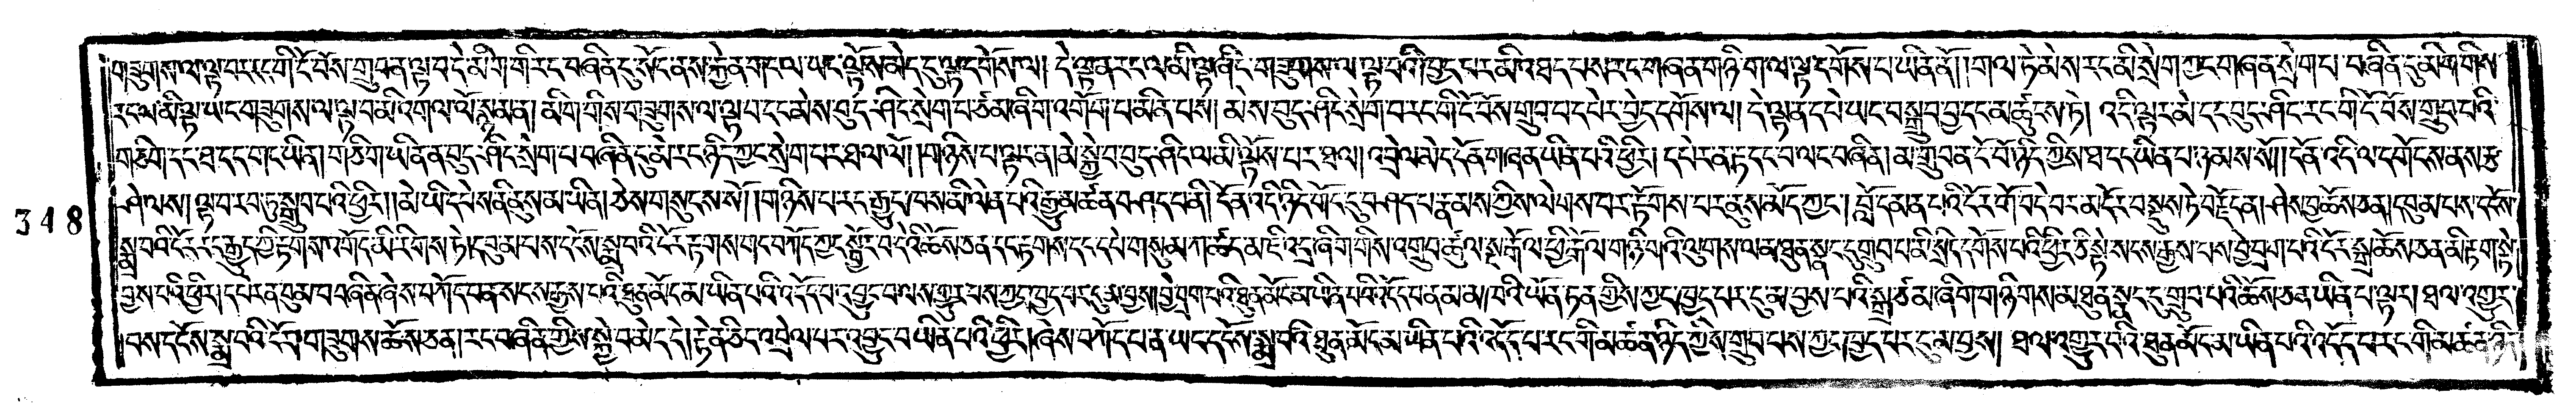གཟུགས་ལ་ལྟ་བར་རང་གི་ངོ་བོས་གྲུབ་ན་ལྟ་བ་དེ་མིག་གི་རང་བཞིན་དུ་སོང་ནས་རྐྱེན་གང་ལ་ཡང་ལྟོས་མེད་དུ་ལྟ་དགོས་ལ། དེ་ལྟ་ན་རང་ལ་མི་ལྟ་ཞིང་གཟུགས་ལ་ལྟ་བའི་ཁྱད་པར་མི་འཐད་པས་རང་གཞན་གཉི་ག་ལ་ལྟ་དགོས་པ་ཡིན་ནོ། །གལ་ཏེ་མེས་རང་མི་སྲེག་ཀྱང་གཞན་སྲེག་པ་བཞིན་དུ་མིག་གིས་
རང་ལ་མི་ལྟ་ཡང་གཟུགས་ལ་ལྟ་བ་མི་འགལ་ལོ་སྙམ་ན། མིག་གིས་གཟུགས་ལ་ལྟ་བ་དང་མེས་བུད་ཤིང་སྲེག་པ་ཙམ་ཞིག་འགོག་པ་མིན་པས། མེས་བུད་ཤིང་སྲེག་བ་རང་གི་ངོ་བོས་གྲུབ་པ་དཔེར་བྱེད་དགོས་ལ། དེ་ལྟ་ན་དཔེ་ཡང་བསྒྲུབ་བྱ་དང་མཚུངས་ཏེ། འདི་ལྟར་མེ་དང་བུད་ཤིང་རང་གི་ངོ་བོས་གྲུབ་པའི་
གཅིག་དང་ཐ་དད་གང་ཡིན། གཅིག་ཡིན་ན་བུད་ཤིང་སྲེག་པ་བཞིན་དུ་མེ་རང་ཉིད་ཀྱང་སྲེག་པར་ཐལ་ལོ། །གཉིས་པ་ལྟར་ན། མེ་སྐྱེ་བ་བུད་ཤིང་ལ་མི་ལྟོས་པར་ཐལ། འབྲེལ་མེད་དོན་གཞན་ཡིན་པའི་ཕྱིར། དཔེར་ན་རྟ་དང་བ་ལང་བཞིན། མ་གྲུབ་ན་ངོ་བོ་ཉིད་ཀྱིས་ཐ་དད་ཡིན་པ་ཉམས་སོ། །དོན་འདི་ལ་དགོངས་ནས་རྩ་
ཤེ་ལས། ལྟ་བ་རབ་ཏུ་སྒྲུབ་པའི་ཕྱིར། །མེ་ཡི་དབེས་ནི་ནུས་མ་ཡིན། ཅེས་གསུངས་སོ། །གཉིས་པ་རང་རྒྱུད་ཁས་མི་ལེན་པའི་རྒྱུ་མཚན་བཤད་བ་ནི། དོན་འདི་ཉིད་གོང་དུ་བཤད་པ་རྣམས་ཀྱིས་ལེགས་པར་རྟོགས་པར་ནུས་མོད་ཀྱང་། བློ་དམན་པའི་ངོར་གོ་བདེ་བར་མདོར་བསྡུས་ཏེ་བརྗོད་ན། ཤེས་བྱ་ཆོས་ཅན། དབུ་མ་པས་དངོས་
སྨྲ་བའི་དོར་རང་རྒྱུད་ཀྱི་རྟགས་འགོད་མི་རིགས་ཏེ། དབུ་མ་པས་དངོས་སྨྲ་བའི་ངོར་རྟགས་གང་བཀོད་ཀྱང་སྦྱོར་བ་དེའི་ཆོས་ཅན་དང་རྟགས་དང་དཔེ་གསུམ་ཀ་ཚད་མ་ཇི་འདྲ་ཞིག་གིས་འགྲུབ་ཚུལ་སྔ་རྒོལ་ཕྱི་རྒོལ་གཉི་གའི་ལུགས་ལ་མཐུན་སྣང་དུ་གྲུབ་པ་མི་སྲིད་དགོས་པའི་ཕྱིར་ཅི་སྟེ་སངས་རྒྱས་པས་བྱེ་བྲག་པའི་དོར་སྒྲ་ཆོས་ཅན་མི་རྟག་སྟེ་
བྱས་པའི་ཕྱིར། དཔེར་ན་བུམ་བ་བཞིན་ཞེས་བཀོད་བ་ན་སངས་རྒྱས་པའི་ཐུན་མོང་མ་ཡིན་པའི་འདོད་བ་འབྱུང་བ་ལས་གྱུར་པས་ཀྱང་ཁྱད་པར་དུ་མ་བྱས། བྱེ་བྲག་བའི་ཐུན་མོང་མ་ཡིན་པའི་འདོད་བ་ནམ་མཁའི་ཡོན་ཏན་གྱིས་ཀྱང་ཁྱད་པར་དུ་མ་བྱས་པའི་སྒྲ་ཙམ་ཞིག་གཉི་གས་མཐུན་སྣང་དུ་གྲུབ་པའི་ཆོས་ཅན་ཡིན་པ་ལྟར། ཐལ་འགྱུར་
བས་དངོས་སྨྲ་བའི་དོར། གཟུགས་ཆོས་ཅན། རང་བཞིན་གྱིས་སྐྱེ་བ་མེད་དེ། རྟེན་ཅིང་འབྲེལ་པར་འབྱུང་བ་ཡིན་པའི་ཕྱིར། ཞེས་བཀོད་པ་ན་ཡང་དངོས་སྨྲ་བའི་ཐུན་མོང་མ་ཡིན་པའི་འདོད་པ་རང་གི་མཚན་ཉིད་ཀྱིས་གྲུབ་པས་ཀྱང་ཁྱད་པར་དུ་མ་བྱས། ཐལ་འགྱུར་བའི་ཐུན་མོང་མ་ཡིན་པའི་འདོད་པ་རང་གི་མཚན་ཉིད་